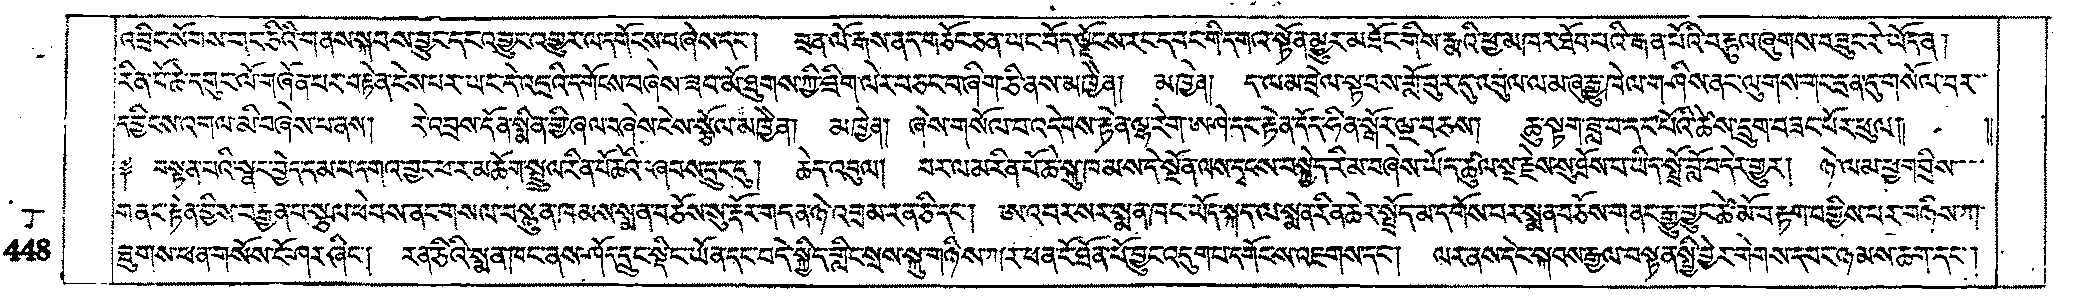འབྲིང་སོགས་གང་ཅིའི་གནས་སྐབས་བྱུང་དང་འབྱུང་འགྱུར་ལ་དགོངས་བ་ཞེས་དང་། ཕྲན་ལོ་རྒས་ནད་གཅོང་ཅན་ཡང་བོད་ལྗོངས་རང་དབང་གི་དགའ་སྟོན་མྱུར་མཐོང་གིས་རྨའི་ཕྱ་མཁར་ཐོབ་པའི་རྒན་པོའི་བརྟུལ་ཞུགས་བཟུང་རེ་ཡོད་ན།
རིན་པོ་ཆེ་དགུང་ལོ་གཞོན་པར་བརྟེན་ངེས་པར་ཡང་དེ་འདྲའི་དགོངས་བཞེས་ཟབ་མོ་ཐུགས་ཀྱི་ཐིག་ལེར་བཅང་བ་ཞིག་ཅི་ནས་མཁྱཻན། མཁྱེན། ད་ལམ་བྲེལ་སྟབས་གློ་བུར་དུ་འབུལ་ལམ་ཞུ་རྒྱུ་ཁེལ་གཤིས་ནང་ལུགས་གང་དྲན་དུ་གསོལ་བར་་་
དབྱིངས་འགལ་མི་བཞེས་པ་ནས། རེ་འབྲས་དོན་སྨིན་གྱི་ཞལ་བཞེས་ངེས་སྩོལ་མཁྱཻན། མཁྱེན། ཞེས་གསོལ་བ་འདེབས་རྟེན་ལྷ་རེག་ཨ་ཤེ་དང་རྟེན་དོད་ཧིན་སྒོར་ལྔ་བཅས། ཆུ་སྟག་ཟླ་བ་དང་པོའི་ཚེས་དྲུག་བཟང་པོར་ཕུལ།། །།
འབྶྟན་པའི་སྣང་བྱེད་དམ་པ་དགའ་བྱང་ཕ་ར་མཆོག་སྤྲུལ་རིན་པོ་ཆེའི ༧ཞབས་དྲུང་དུ། ཆེད་འབུལ། བར་ལམ་རིན་པོ་ཆེ་སྐུ་ཁམས་དེ་སྔོན་ལས་དྭངས་བསྐྱེད་རིམ་བཞེས་ཡོད་ཚུལ་སྔ་རྗེས་སུ་ཐོས་པ་ཡིད་སྤྲོ་བློ་བདེར་གྱུར། ཉེ་ལམ་ཕྱག་བྲིས་་་
གནང་རྟེན་གྱིས་བརྒྱན་པ་སྩལ་ཕེབས་ནང་གསལ་བསྙུན་ཁམས་སྨན་བཅོས་སུ་རྡོར་གདན་ཉེ་འགྲམ་རན་ཅི་དང་། ཨ་འབར་སར་སྨན་ཁང་ཡོད་སྐད་ལ་སྨན་རིན་ཆེར་སྤྲོད་མ་དགོས་པར་སྨན་བཅོས་གནང་རྒྱུ་བྱུང་ཚེ་མོ་བརྟག་བགྱིས་པར་གཉིས་ཀ་
ཐུགས་ཕན་གསོས་ངོ་ཤར་ཞིང་། རན་ཅིའི་སྨན་ཁང་ནས་ཤོད་དྲུང་སྡིང་ཡོན་དང་བདེ་སྐྱིད་གླིང་སྲས་སྐུ་གཉིས་ཀར་ཕན་ངོ་ཐོན་པོ་བྱུང་འདུག་པ་དགོངས་འཇགས་དང་། ལར་ནས་དེང་སྐབས་རྒྱལ་བསྟན་སྤྱི་བྱེར་གེགས་དབང་ཉམས་ཆག་དང་།